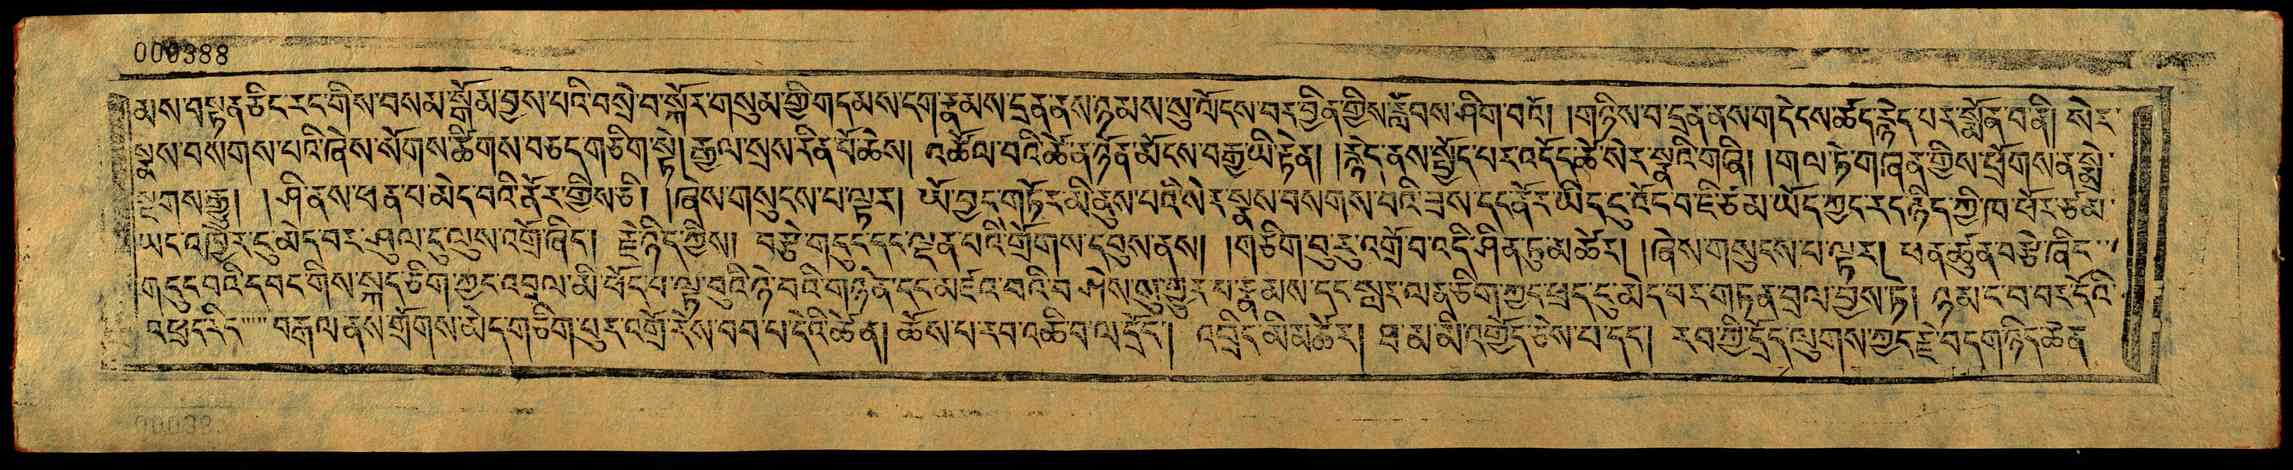མས་བསྟན་ཅིང་རང་གིས་བསམ་སྒོམ་བྱས་པའི་བསྲེ་བ་སྐོར་གསུམ་གྱི་གདམས་ངག་རྣམས་དྲན་ནས་ཉམས་སུ་ལོངས་བར་བྱིན་གྱིས་རླབས་ཤིག་པའོ། །གཉིས་པ་དྲན་ནས་གདེངས་ཚད་རྙེད་པར་སྨོན་པ་ནི། སེར་
སྣས་བསགས་པའི་ཞེས་སོགས་ཚིགས་བཅད་གཅིག་སྟེ། རྒྱལ་སྲས་རིན་པོ་ཆེས། འཚོལ་བའི་ཚེ་ན་ཉོན་མོངས་བརྒྱ་ཡི་རྟེན། །རྙེད་ནས་སྤྱོད་པར་འདོད་ཚེ་སེར་སྣའི་གཞི། །གལ་ཏེ་གཞན་གྱིས་ཕྲོགས་ན་སྨེ་
སྔགས་རྒྱུ། །ཤི་ནས་ཕམ་པ་མེད་པའི་ནོར་གྱིས་ཅི། །ཞེས་གསུངས་པ་ལྟར། ཡོ་བྱད་གཏོད་མི་ནུས་པའི་སེར་སྣས་བསགས་པའི་ཟས་དང་ནོར་ཡིད་དུ་འོད་པ་ཇི་ཙམ་ཡོད་ཀྱང་རང་ཉིད་ཀྱི་ཁ་ཕོར་ཙམ་
ཡང་འཁྱེར་དུ་མེད་པར་ཤུལ་དུ་ལུས་འགྲོ་ཞིང་། རྗེ་ཉིད་ཀྱིས། བརྩེ་གདུང་དང་ལྡན་པའི་གྲོགས་དབུས་ནས། །གཅིག་པུ་རུ་འགྲོ་བ་འདི་ཤིན་ཏུ་མཚེར། །ཞེས་གསུངས་པ་ལྟར། ཕན་ཚུན་བརྩེ་ཞིང་
གདུང་བའི་དབང་གིས་སྐད་ཅིག་ཀྱང་འབྲལ་མི་ཕོད་པ་ལྟ་བུའི་ཉེ་བའི་གཉེན་དང་མཛའ་བའི་བཤེས་སུ་གྱུར་པ་རྣམས་དང་སླར་ལན་ཅིག་ཀྱང་ཕྲད་དུ་མེད་པར་གཏན་བྲལ་བྱས་ཏེ། ཉམ་ང་བ་བར་དོའི་
འཕྲད་རིང་བརྒལ་ནས་གྲོགས་མེད་གཅིག་པུར་འགྲོ་རེས་བབ་པ་དེའི་ཚེ་ན། ཆོས་པ་རབ་འཆི་བ་ལ་དྲོང་། འབྲིང་མི་མཆེར། ཐ་མ་མ་འགྱོད་ཅེས་པ་དང་། རབ་ཀྱི་དྲོད་ལུགས་ཀྱང་རྗེ་བདག་ཉིད་ཆེན་